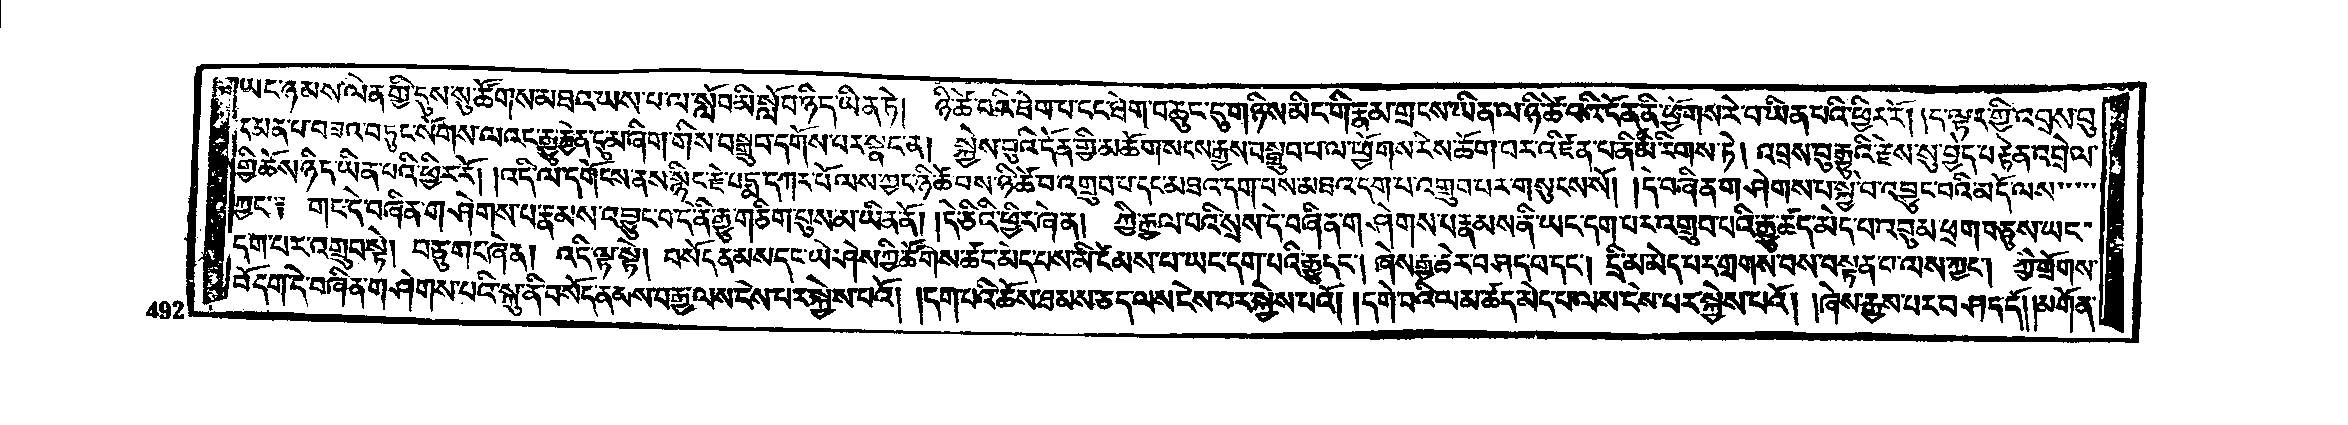ཡང་ཉམས་ལེན་གྱི་དུས་སུ་ཚོགས་མཐའ་ཡས་པ་ལ་སློབ་མི་སློབ་ཉིད་ཡིན་ཏེ། ཉི་ཚེ་བའི་ཐེག་པ་དང་ཐེག་པ་ཆུང་ངུ་གཉིས་མིང་གི་རྣམས་གྲངས་ཡིན་ལ་ཉི་ཚེ་བའི་དོན་ནི་ཕྱོགས་རེ་བ་ཡིན་པའི་ཕྱིར་རོ། །ད་ལྟར་གྱི་འབྲས་བུ་
དམན་པ་བཟའ་བཏུང་སོགས་ལའང་རྒྱུ་རྐྱེན་དུ་མ་ཞིག་གིས་བསྒྲུབ་དགོས་པར་སྣང་ན། སྐྱེས་བུའི་དོན་གྱི་མཆོག་སངས་རྒྱས་བསྒྲུབ་པ་ལ་ཕྱོགས་རེས་ཆོག་པར་འཛིན་པ་ནི་མི་རིགས་ཏེ། འབྲས་བུ་རྒྱུའི་རྗེས་སུ་བྱེད་པ་རྟེན་འབྲེལ་
གྱི་ཆོས་ཉིད་ཡིན་པའི་ཕྱིར་རོ། །འདི་ལ་དགོངས་ནས་སྙིང་རྗེ་པདམ་དཀར་པོ་ལས་ཀྱང་ཉི་ཚེ་བས་ཉི་ཚེ་བ་འགྲུབ་པ་དང་མཐའ་དག་པས་མཐའ་དག་པ་འགྲུབ་པར་གསུངས་སོ། །དེ་བཞིན་གཤེགས་པ་སྐྱེ་བ་འབྱུང་བའི་མདོ་ལས་
ཀྱང༑ གང་དེ་བཞིན་གཤེགས་པ་རྣམས་འབྱུང་བ་དེ་ནི་རྒྱུ་གཅིག་པུས་མ་ཡིན་ནོ། །དེ་ཅིའི་ཕྱིར་ཞེ་ན། ཀྱཻ་རྒྱལ་བའི་སྲས་དེ་བཞིན་གཤེགས་པ་རྣམས་ནི་ཡང་དག་པར་འགྲུབ་པའི་རྒྱུ་ཚད་མེད་པ་འབུམ་ཕྲག་བཅུས་ཡང་
དག་པར་འགྲུབ་སྟེ། བཅུ་གང་ཞེ་ན། འདི་ལྟ་སྟེ། བསོད་ནམས་དང་ཡེ་ཤེས་ཀྱི་ཚོགས་ཚད་མེད་པས་མི་ངོམས་པ་ཡང་དང་པའི་རྒྱུ་དང་། ཞེས་རྒྱ་ཆེར་བཤད་པ་དང་། དྲི་མ་མེད་པར་གྲགས་པས་བསྟན་པ་ལས་ཀྱང་། ཀྱཻ་གྲོགས་
པོ་དག་དེ་བཞིན་གཤེགས་པའི་སྐུ་ནི་བསོད་ནམས་བརྒྱ་ལས་ངེས་པར་སྐྱེས་པའོ། །དགེ་བའི་ཆོས་ཐམས་ཅད་ལས་ངེས་པར་སྐྱེས་པའོ། །དགེ་བའི་ལམ་ཚད་མེད་པ་ལས་ངེས་པར་སྐྱེས་པའོ། །ཞེས་རྒྱས་པར་བཤད་དོ། །མགོན་